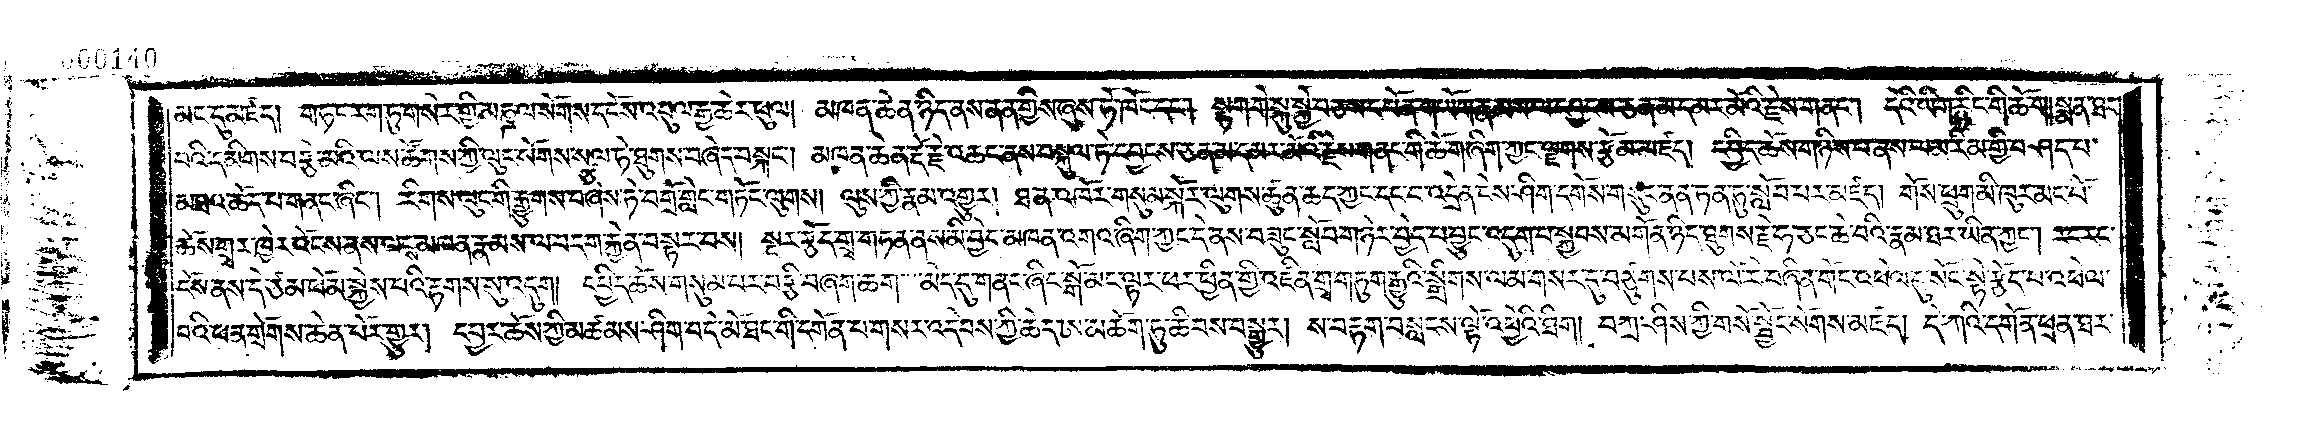མང་དུ་མཛད། གཏང་རག་ཏུ་གསེར་གྱི་མཎྜལ་སོགས་དངོས་འབུལ་རྒྱ་ཆེར་ཕུལ། མཁན་ཆེན་ཉིད་ནས་ནན་གྱིས་ཞུས་ཏེ་ཁོང་དང་། སྟག་གེ་སྐུ་སྐྱེ་བཅས་དཔོན་གཡོག་རྣམས་ལ་དབྱངས་ཅན་མ་དམར་མོའི་རྗེས་གནང་། དེའི་ཡིག་རྙིང་གི་ཆོ་ག། སྨན་ཐང་
བའི་དམིགས་བརྩེ་མའི་ལས་ཚོགས་ཀྱི་ལུང་སོགས་སྩལ་ཏེ་ཐུགས་བཞེད་བསྐང་། མཁན་ཆེན་རྡོ་རྗེ་འཆང་ནས་བསྐུལ་ཏེ་དབྱངས་ཅན་མ་དམར་མོའི་རྗེས་གནང་གི་ཆོ་ག་ཞིག་ཀྱང་ལྗགས་རྩོམ་མཛད། དཔྱིད་ཆོས་གཉིས་པ་ནས་ལམ་རིམ་གྱི་བཤད་པ་
མཐའ་ཆོད་པ་གནང་ཞིང་། རིགས་ལུང་གི་རྒྱུགས་བཞེས་ཏེ་བགྲོ་གླེང་གཏོང་ལུགས། ལུས་ཀྱི་རྣམ་འགྱུར། ཐ་ན་འཁོར་གསུམ་སྐོར་ལུགས་ཚུན་ཆད་ཀྱང་དང་བ་འདྲེན་ངེས་ཤིག་དགོས་གསུང་ནན་ཏན་ཏུ་སློབ་པར་མཛད། གོས་ཕྲུག་མི་ཁུར་མང་པོ་
ཆོས་གྲྭར་ཁྱེར་འོངས་ནས་ལངས་མཁན་རྣམས་ལ་བདག་རྐྱེན་བསྟར་བས། སྔར་རྩོད་གྲྭ་གཏན་ནས་མི་བྱེད་མཁན་འགའ་ཞིག་ཀྱང་དེ་ནས་བཟུང་སློབ་གཉེར་བྱེད་པ་བྱུང་འདུག་པ་སྐྱབས་མགོན་ཉིད་ཐུགས་རྗེ་ཧ་ཅང་ཆེ་བའི་རྣམ་ཐར་ཡིན་ཀྱང་། རང་རང་
ངོས་ནས་དེ་ཙམ་ཕོམ་སྐྱེས་པའི་རྟགས་སུ་འདུག། དཔྱིད་ཆོས་གསུམ་པར་བརྩི་བཞག་ཆག་མེད་དུ་གནང་ཞིང་སྒོ་མང་ལྟར་ཕར་ཕྱིན་གྱི་འཛིན་གྲྭ་གཏུག་རྒྱུའི་སྒྲིགས་ལམ་གསར་དུ་བཙུགས་པས་ལོ་རེ་བཞིན་གོང་འཕེལ་དུ་སོང་སྟེ་རྩོད་པ་འཕེལ་
བའི་ཕན་གྲོགས་ཆེན་པོར་གྱུར། དབྱར་ཆོས་ཀྱི་མཚམས་ཤིག་བདེ་མོ་ཐང་གི་དགོན་པ་གསར་འདེབས་ཀྱི་ཆེད་ཨ་མཆོག་ཏུ་ཆིབས་བསྒྱུར། ས་བརྟག་བསླངས་ལྟོ་འཕྱེའི་ཐིག། བཀྲ་ཤིས་ཀྱི་གསོ་སྦྱོང་སོགས་མཛད། དེ་ཀའི་དགོན་ཕྲན་ཐར་